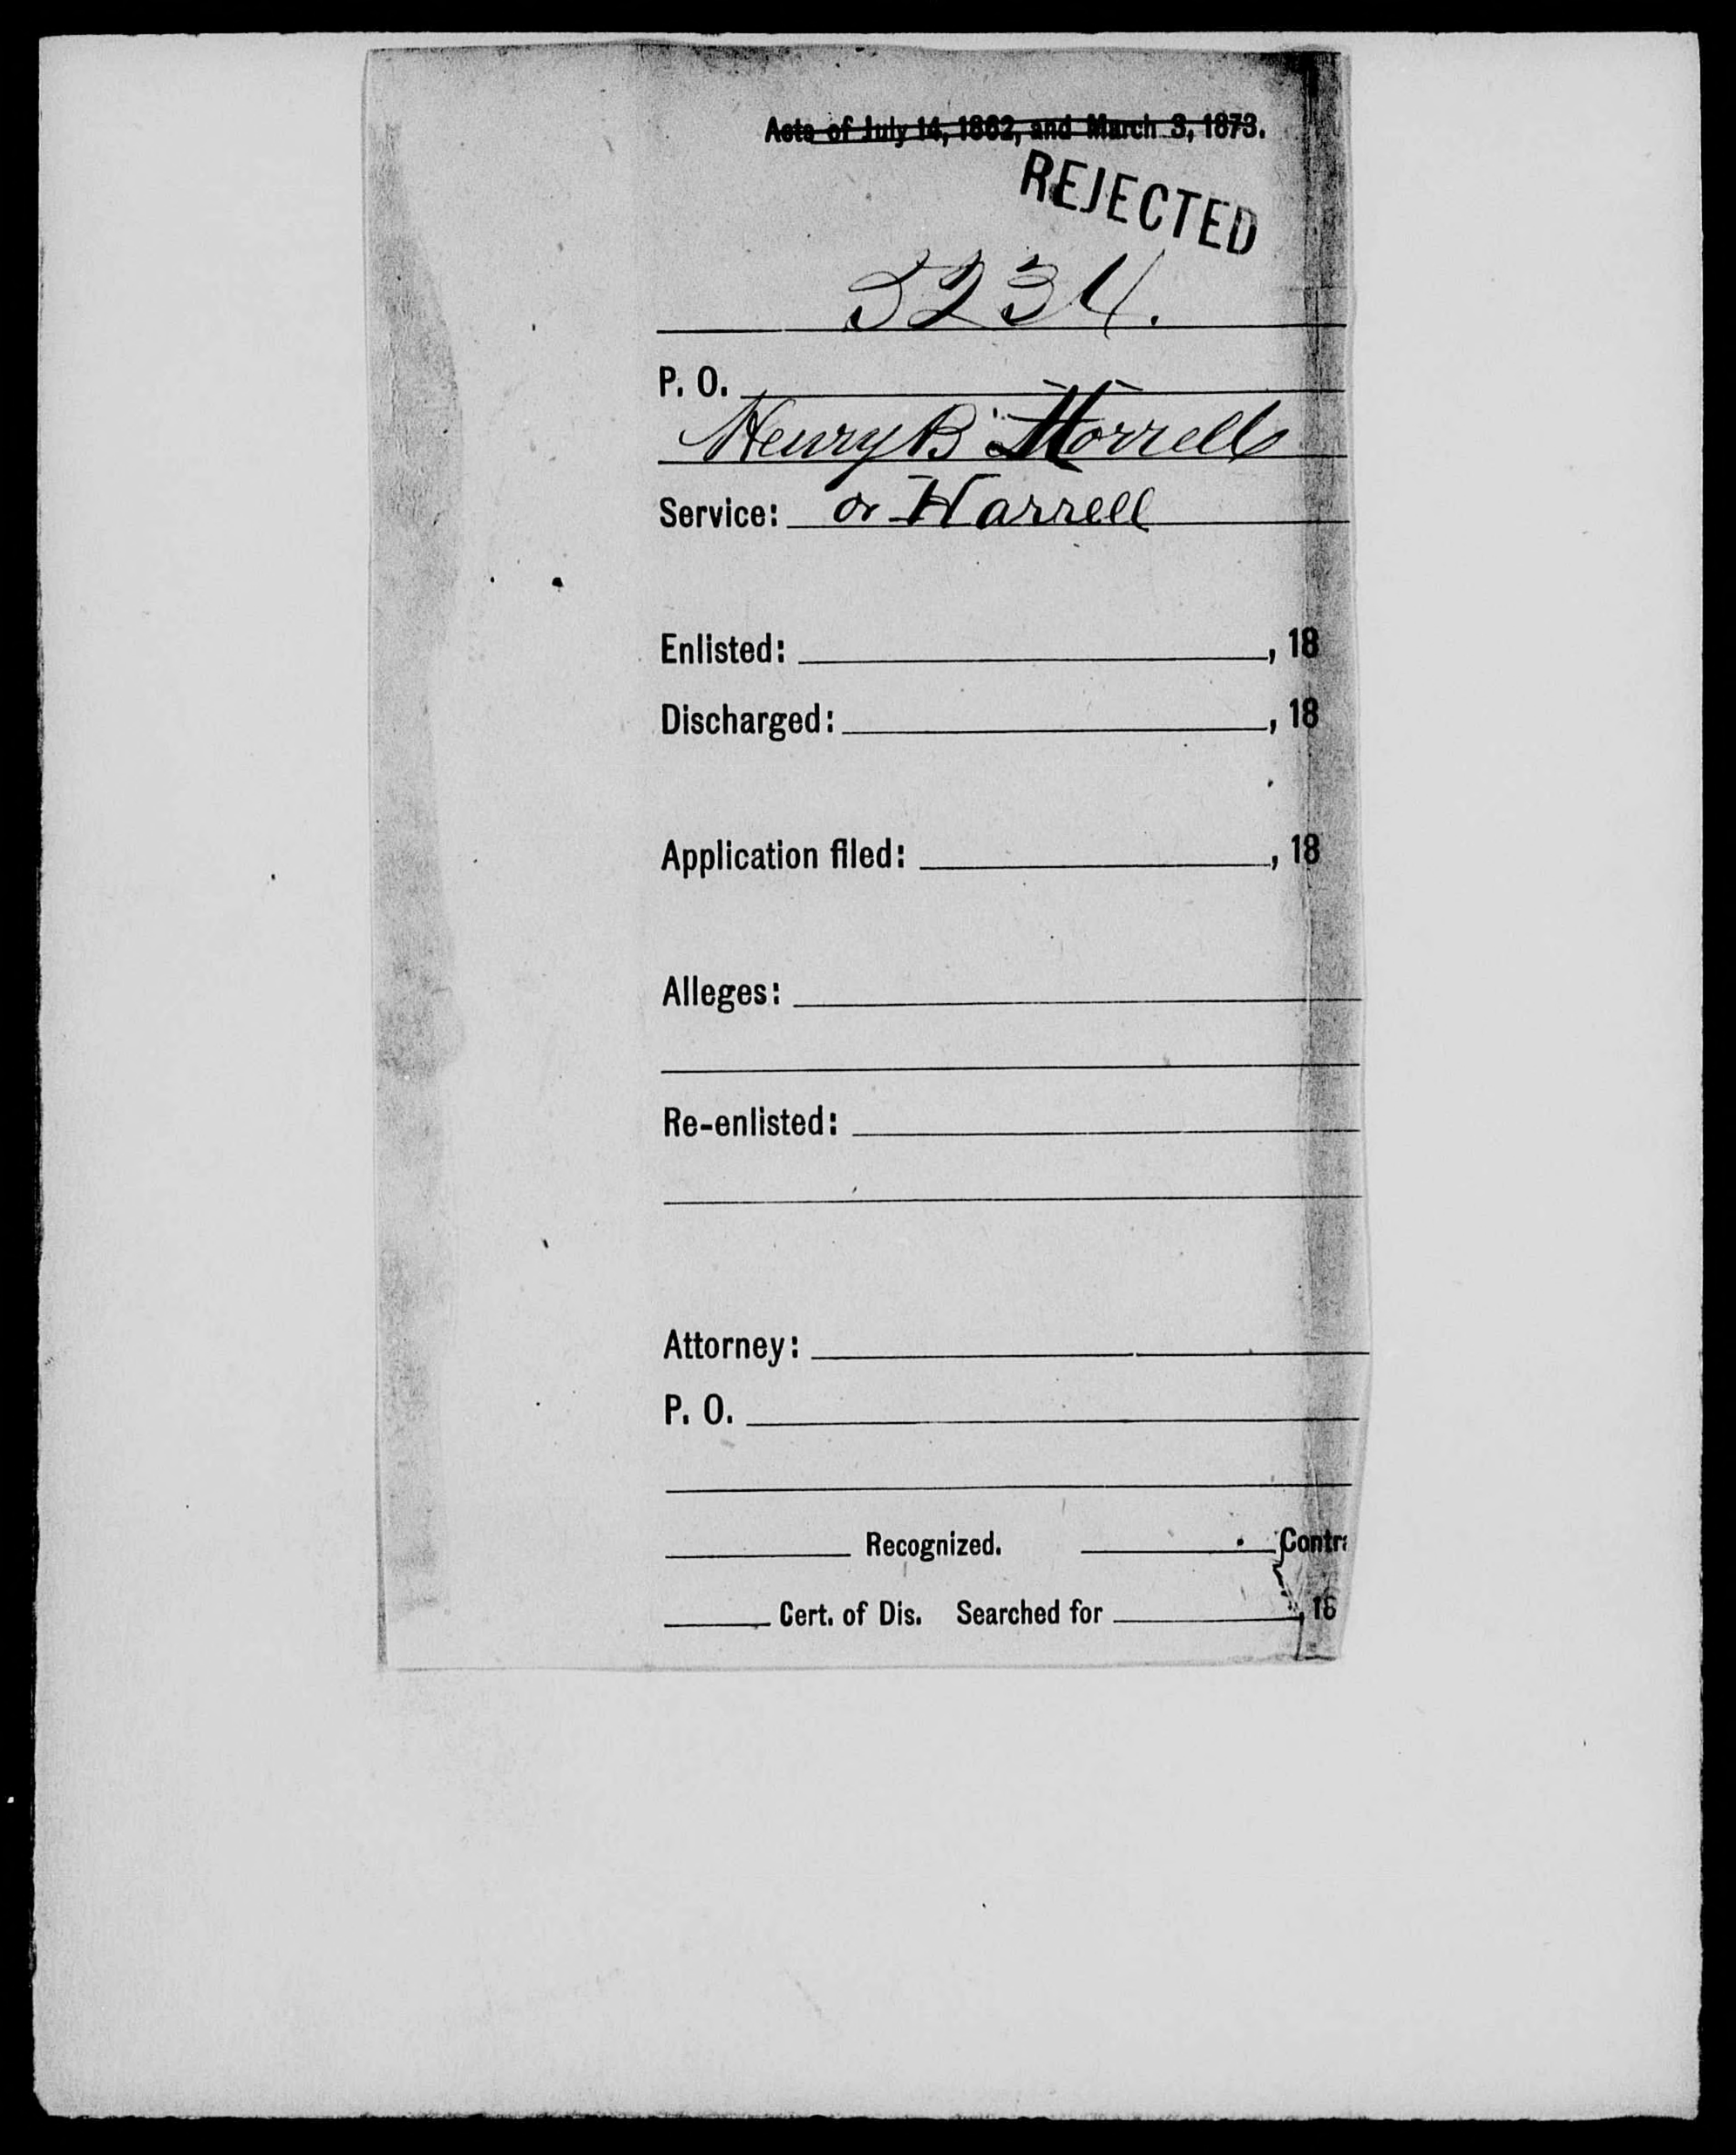REJECTED
5234

Henry B Horrell
or Harrell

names: Henry B Harrell, Henry B Horrell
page: 12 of 15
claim: rejected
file: R. 5234, Henry B Horrell, Md.